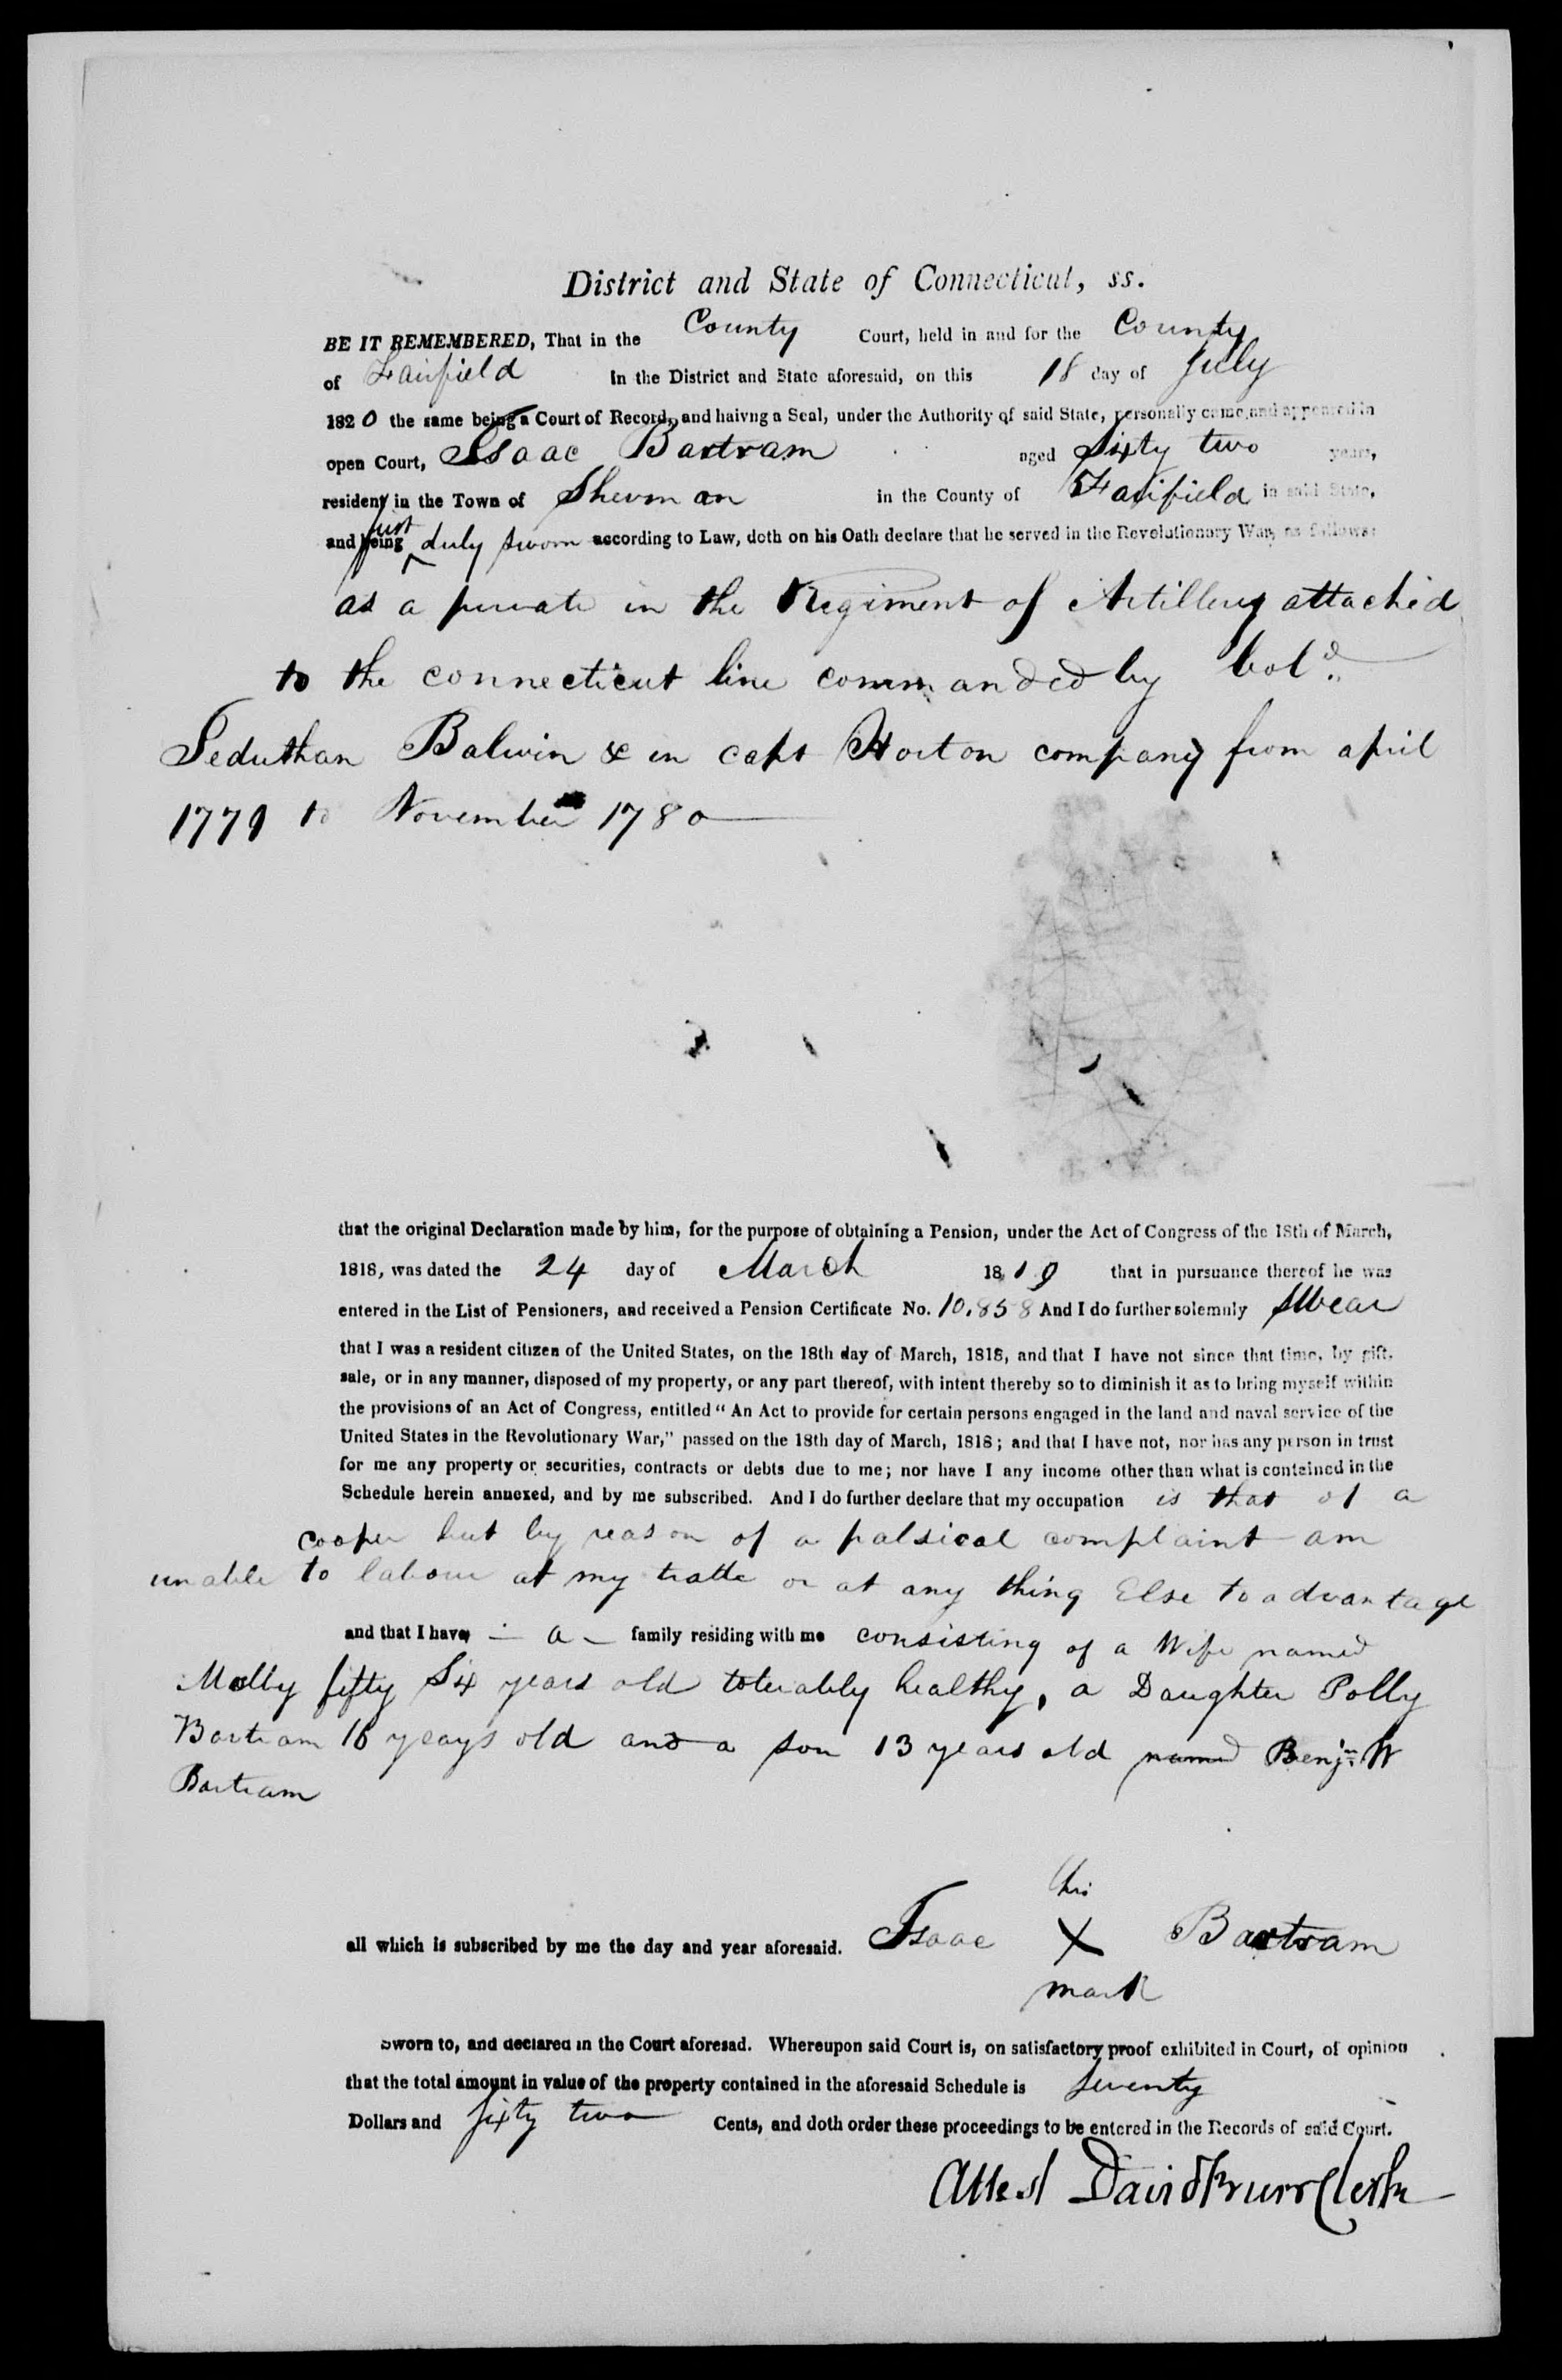District and State of Connecticut, ss.

BE IT REMEMBERED, That in the County
Court, held in and for the County
of Fairfield in the District and State aforesaid, on this 18 day of July
1820 the same being a Court of Record, and haivng a Seal, under the Authority of said State, personally came and appeared in
open Court, Isaac Bartram aged sixty two
years resident in the Town of Sherman in the County of Fairfield in said state
and first being duly sworn according to Law, doth on his Oath declare that he served in the Revolutionary War as follows
as a private in the Regiment of Artillery attached
to the Connecticut line commanded by Col
Seduthan Balwin & in capt Horton company from april 1779 to November 1780

that the original Declaration made by him, for the purpose of obtaining a pension, under the Act of Congress of the 18th of March,
1818, was dated the 24 day of March 1819 that in pursuance thereof he was
entered in the List of Pensioners, and received a Pension Certificate No. 10, 858 And I do further solemnly swear
that I was a resident citizen of the United States, on the 18th day of March, 1818, and that I have not since that time, by gift,
sale, or in any manner, disposed of my property, or any part thereof, with intent thereby so to diminish it as to bring myself within
the provisions of an Act of Congress, entitled "An Act to provide for certain persons engaged in the land and naval service of the
United States in the Revolutionary War,” passed on the 18th day of March, 1818; and that I have not, nor has any person in trust
for me any property or securities, contracts or debts due to me; nor have I any income other than what is contained in the
Schedule herein annexed, and by me subscribed. And I do further declare that my occupation is that of a
cooper but by reason of a palsical complaint am
unable to labour at my trade or at any thing else to advantage
and that I have family residing with me consisting of a wife named
Molly fifty Six years old tolerably healthy, a Daughter Polly
Bartram 16 years old and a son 13 years old named Benjm
Bartram

all which is subscribed by me the day and year aforesaid. 

          this
Isaac    X   Bartram
         mark

sworn to, and declared in the Court aforesaid. Whereupon said Court is, on satisfactory proof exhibited in Court, of opinion
that the total amount in value of the property contained in the aforesaid Schedule is seventy
Dollars and sixty two Cents, and doth order these proceedings to be entered in the Records of said Court.
Attest David Burr Clerk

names: Molly, Isaac Bartram, Benjn W Bartram, David Burr, Jeduthan Balwin, Isaac Bartram, Polly Bartram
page: 9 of 39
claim: survivor's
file: S. 12110, Isaac Bartram, Continental (Conn)